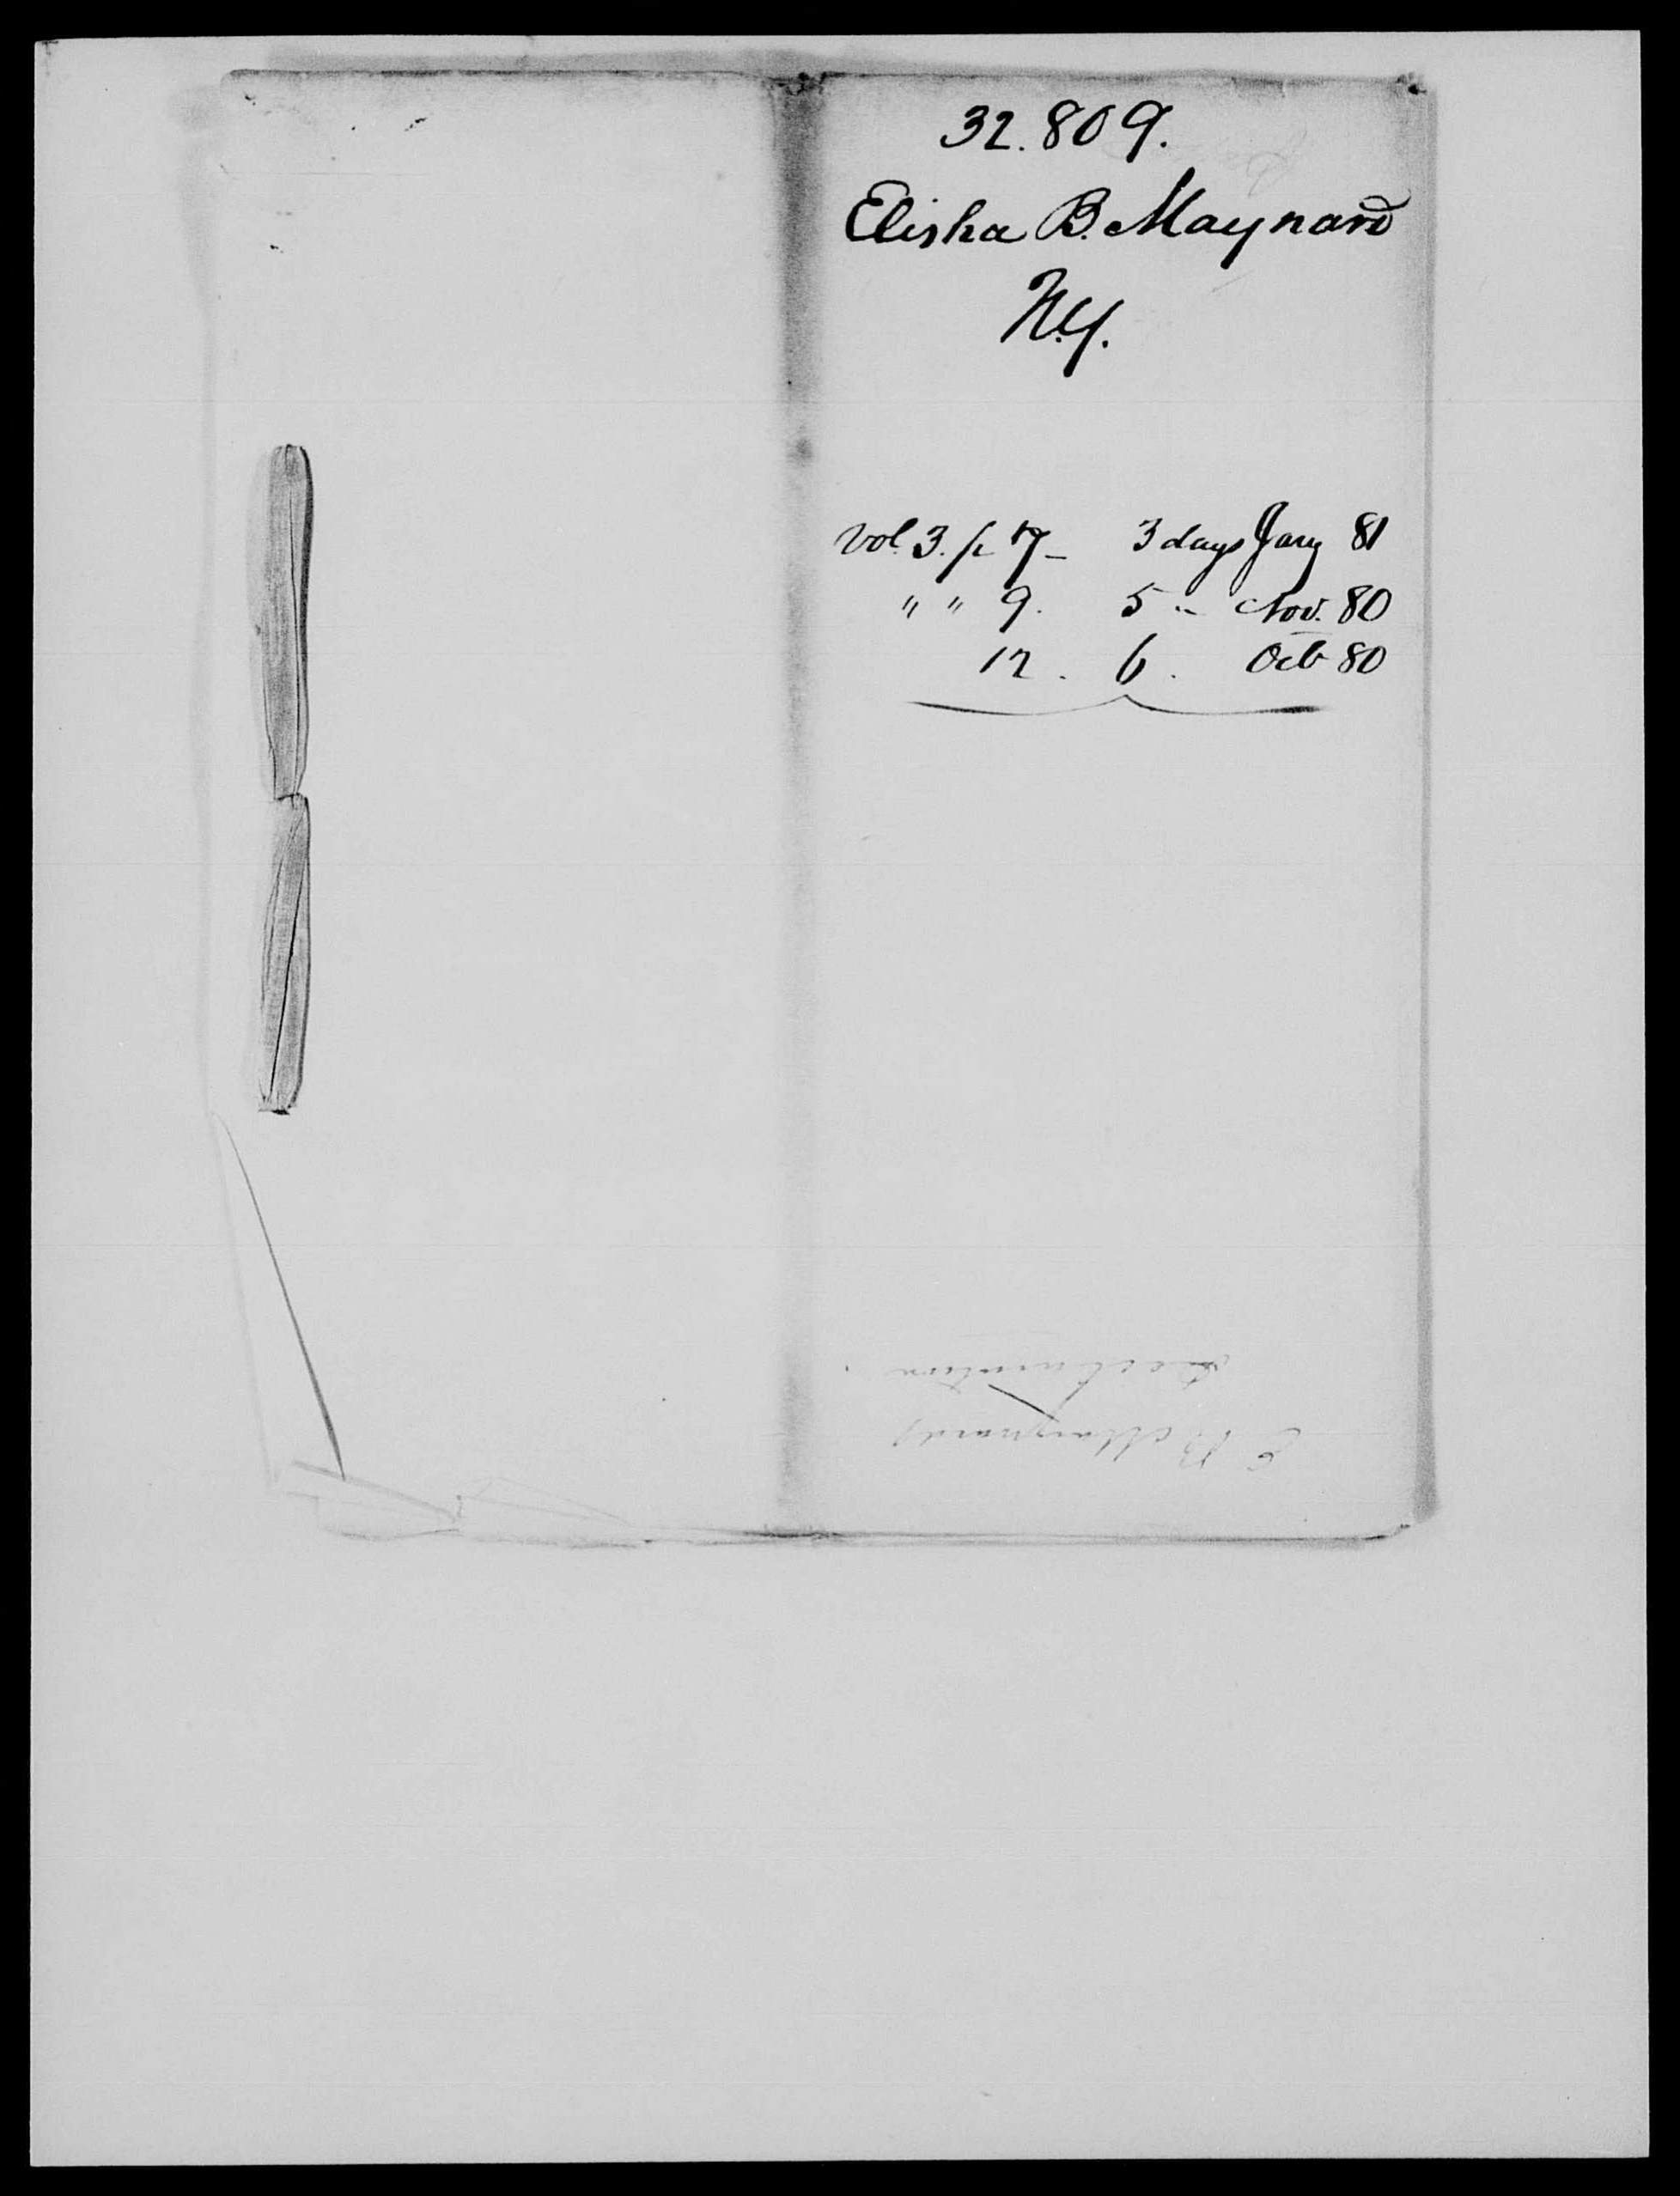32,809
Elisha B. Maynard
N.Y.

Vol. 3 p7 - 3 days Jany 81
"  " p9 - 5 " Nov 80
p12 - 6 " Oct 80

Upside down:
EB Maynard
Declaration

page: 3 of 33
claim: rejected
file: R. 7,063, for Elisha B Maynard, New York